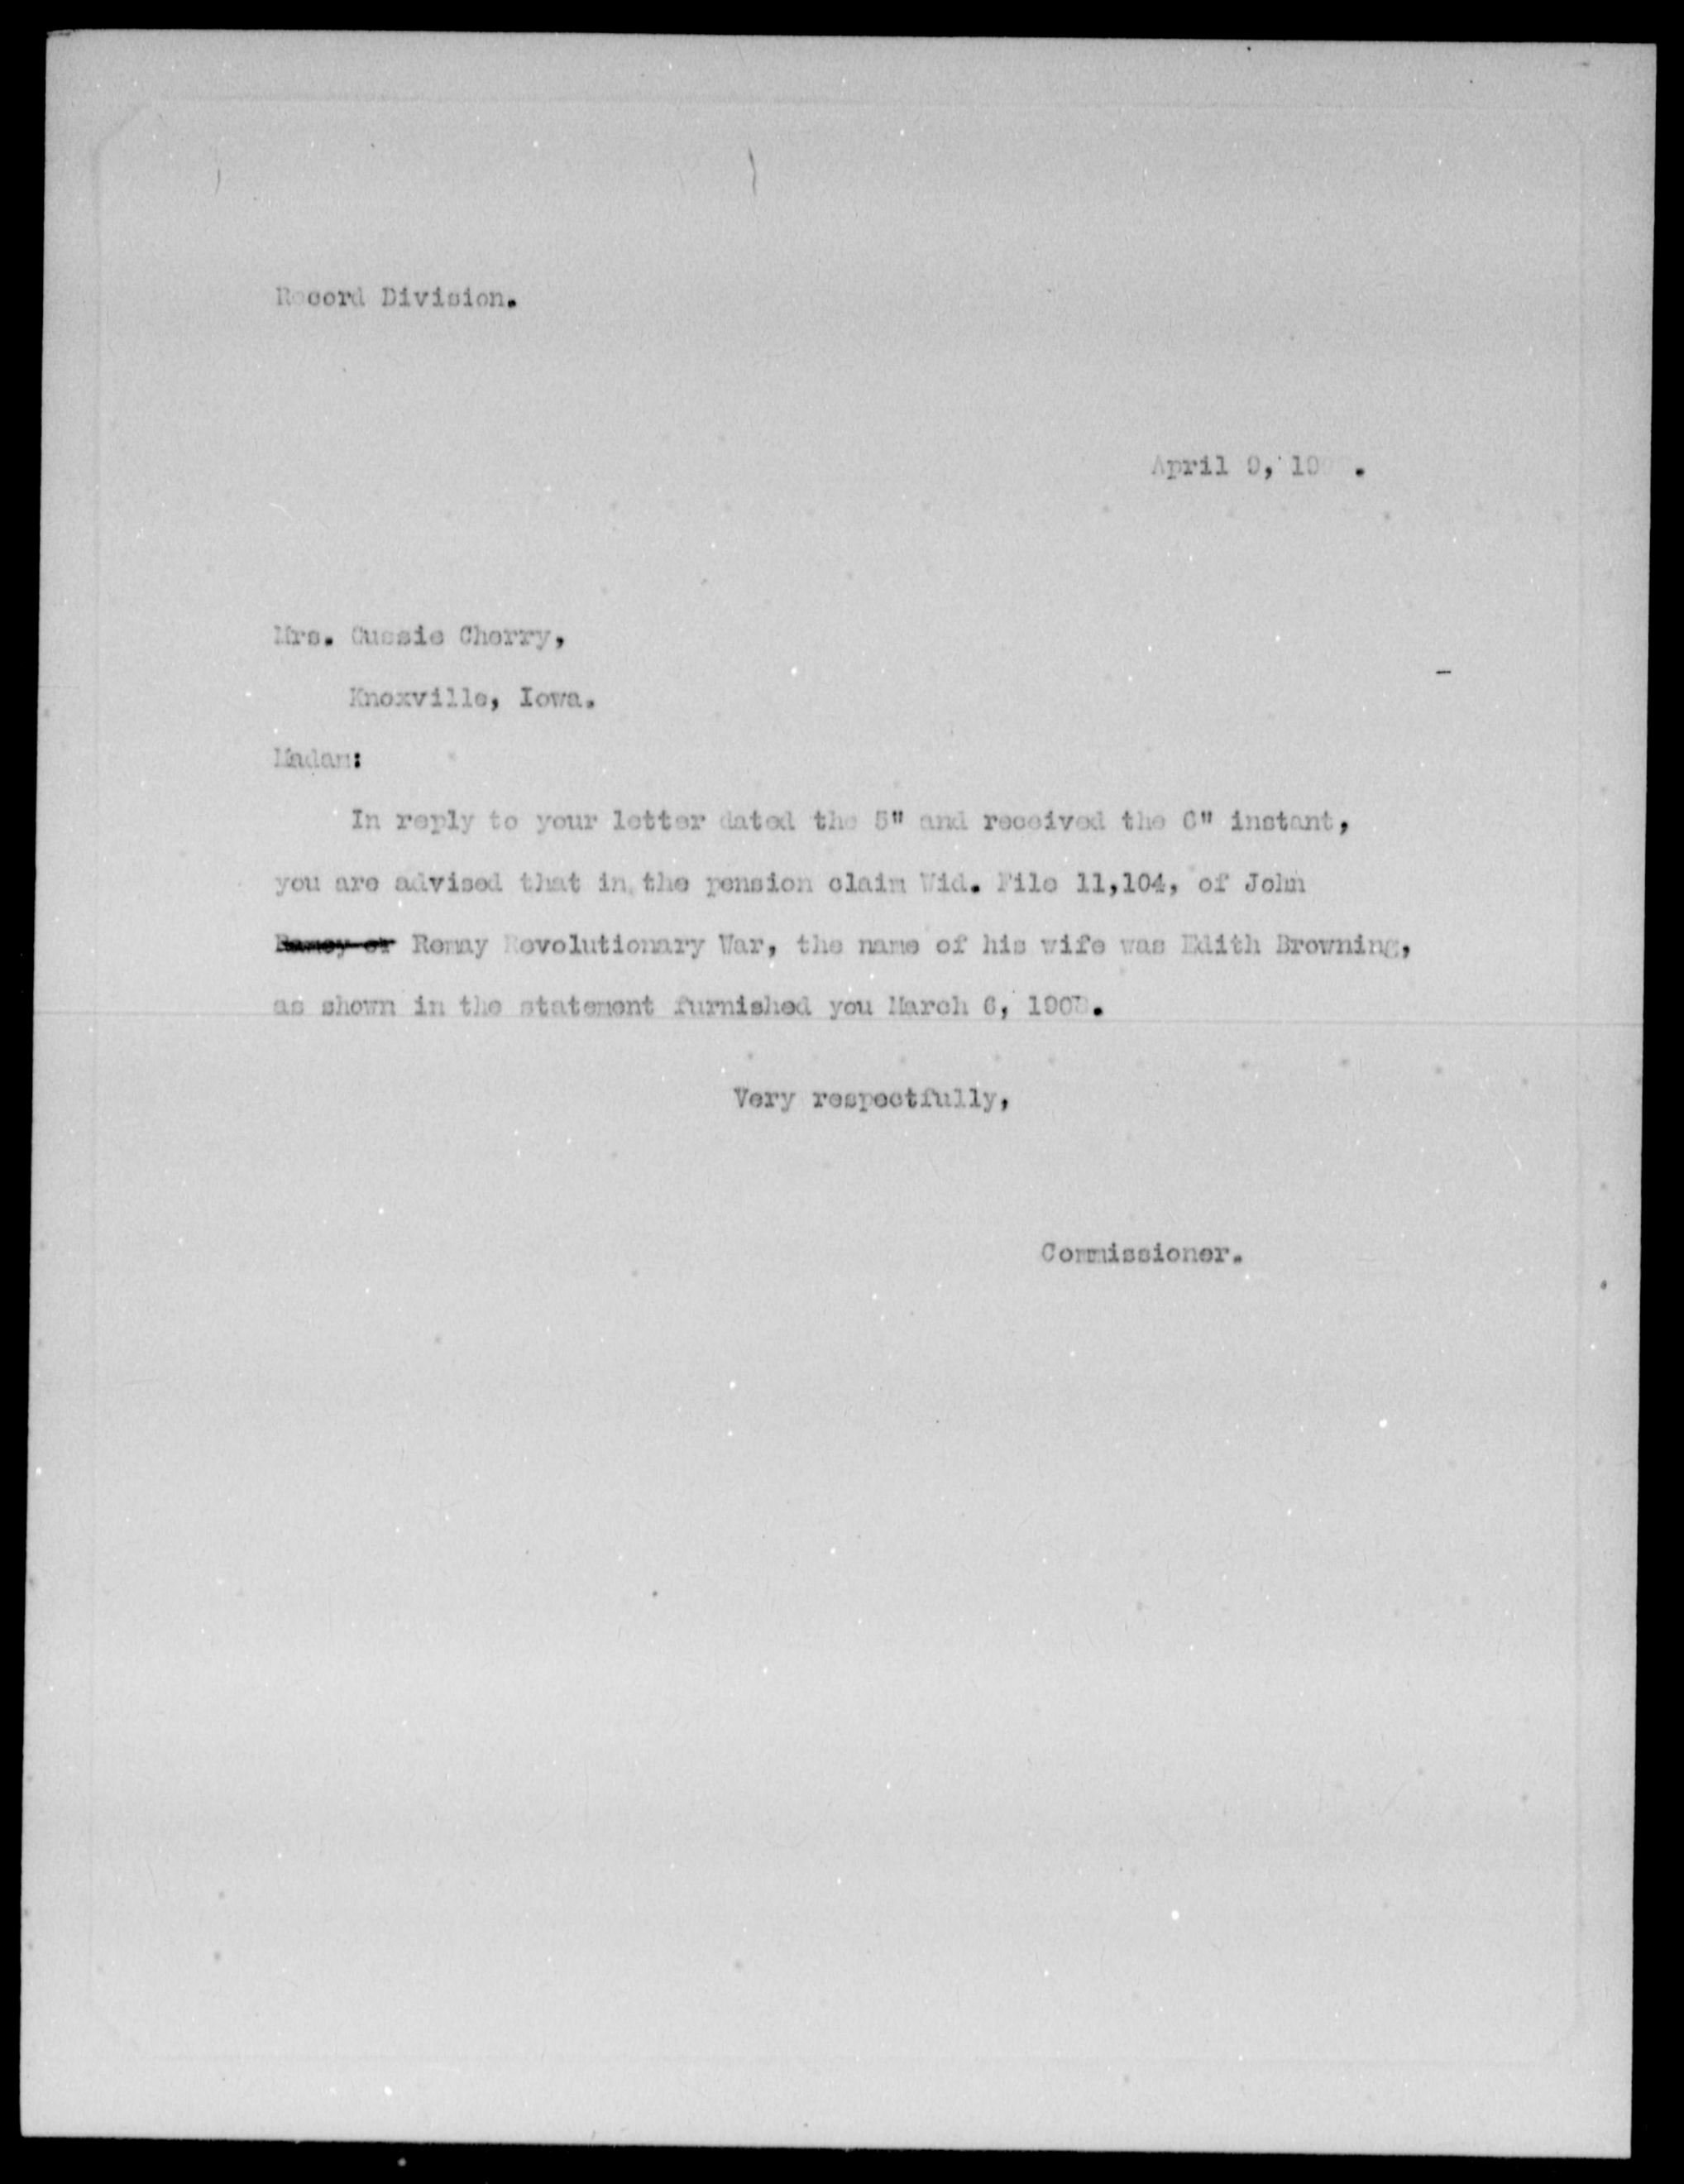Record Division.
April 9, 19--.
Mrs. Gussie Cherry,
Knoxville, Iowa.
Madam:
In reply to your letter dated the 5" and received the 6" instant, you are advised that in the pension claim Wid. File 11,104, of John Remay Revolutionary War, the name of his wife was Edith Browning, as shown in the statement furnished you March 6, 1908.
Very respectfully,
Commissioner.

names: Edith Browning; Gussie Cherry; John Remay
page: 47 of 84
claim: widow's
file: W.11104, for John Remay, Virginia